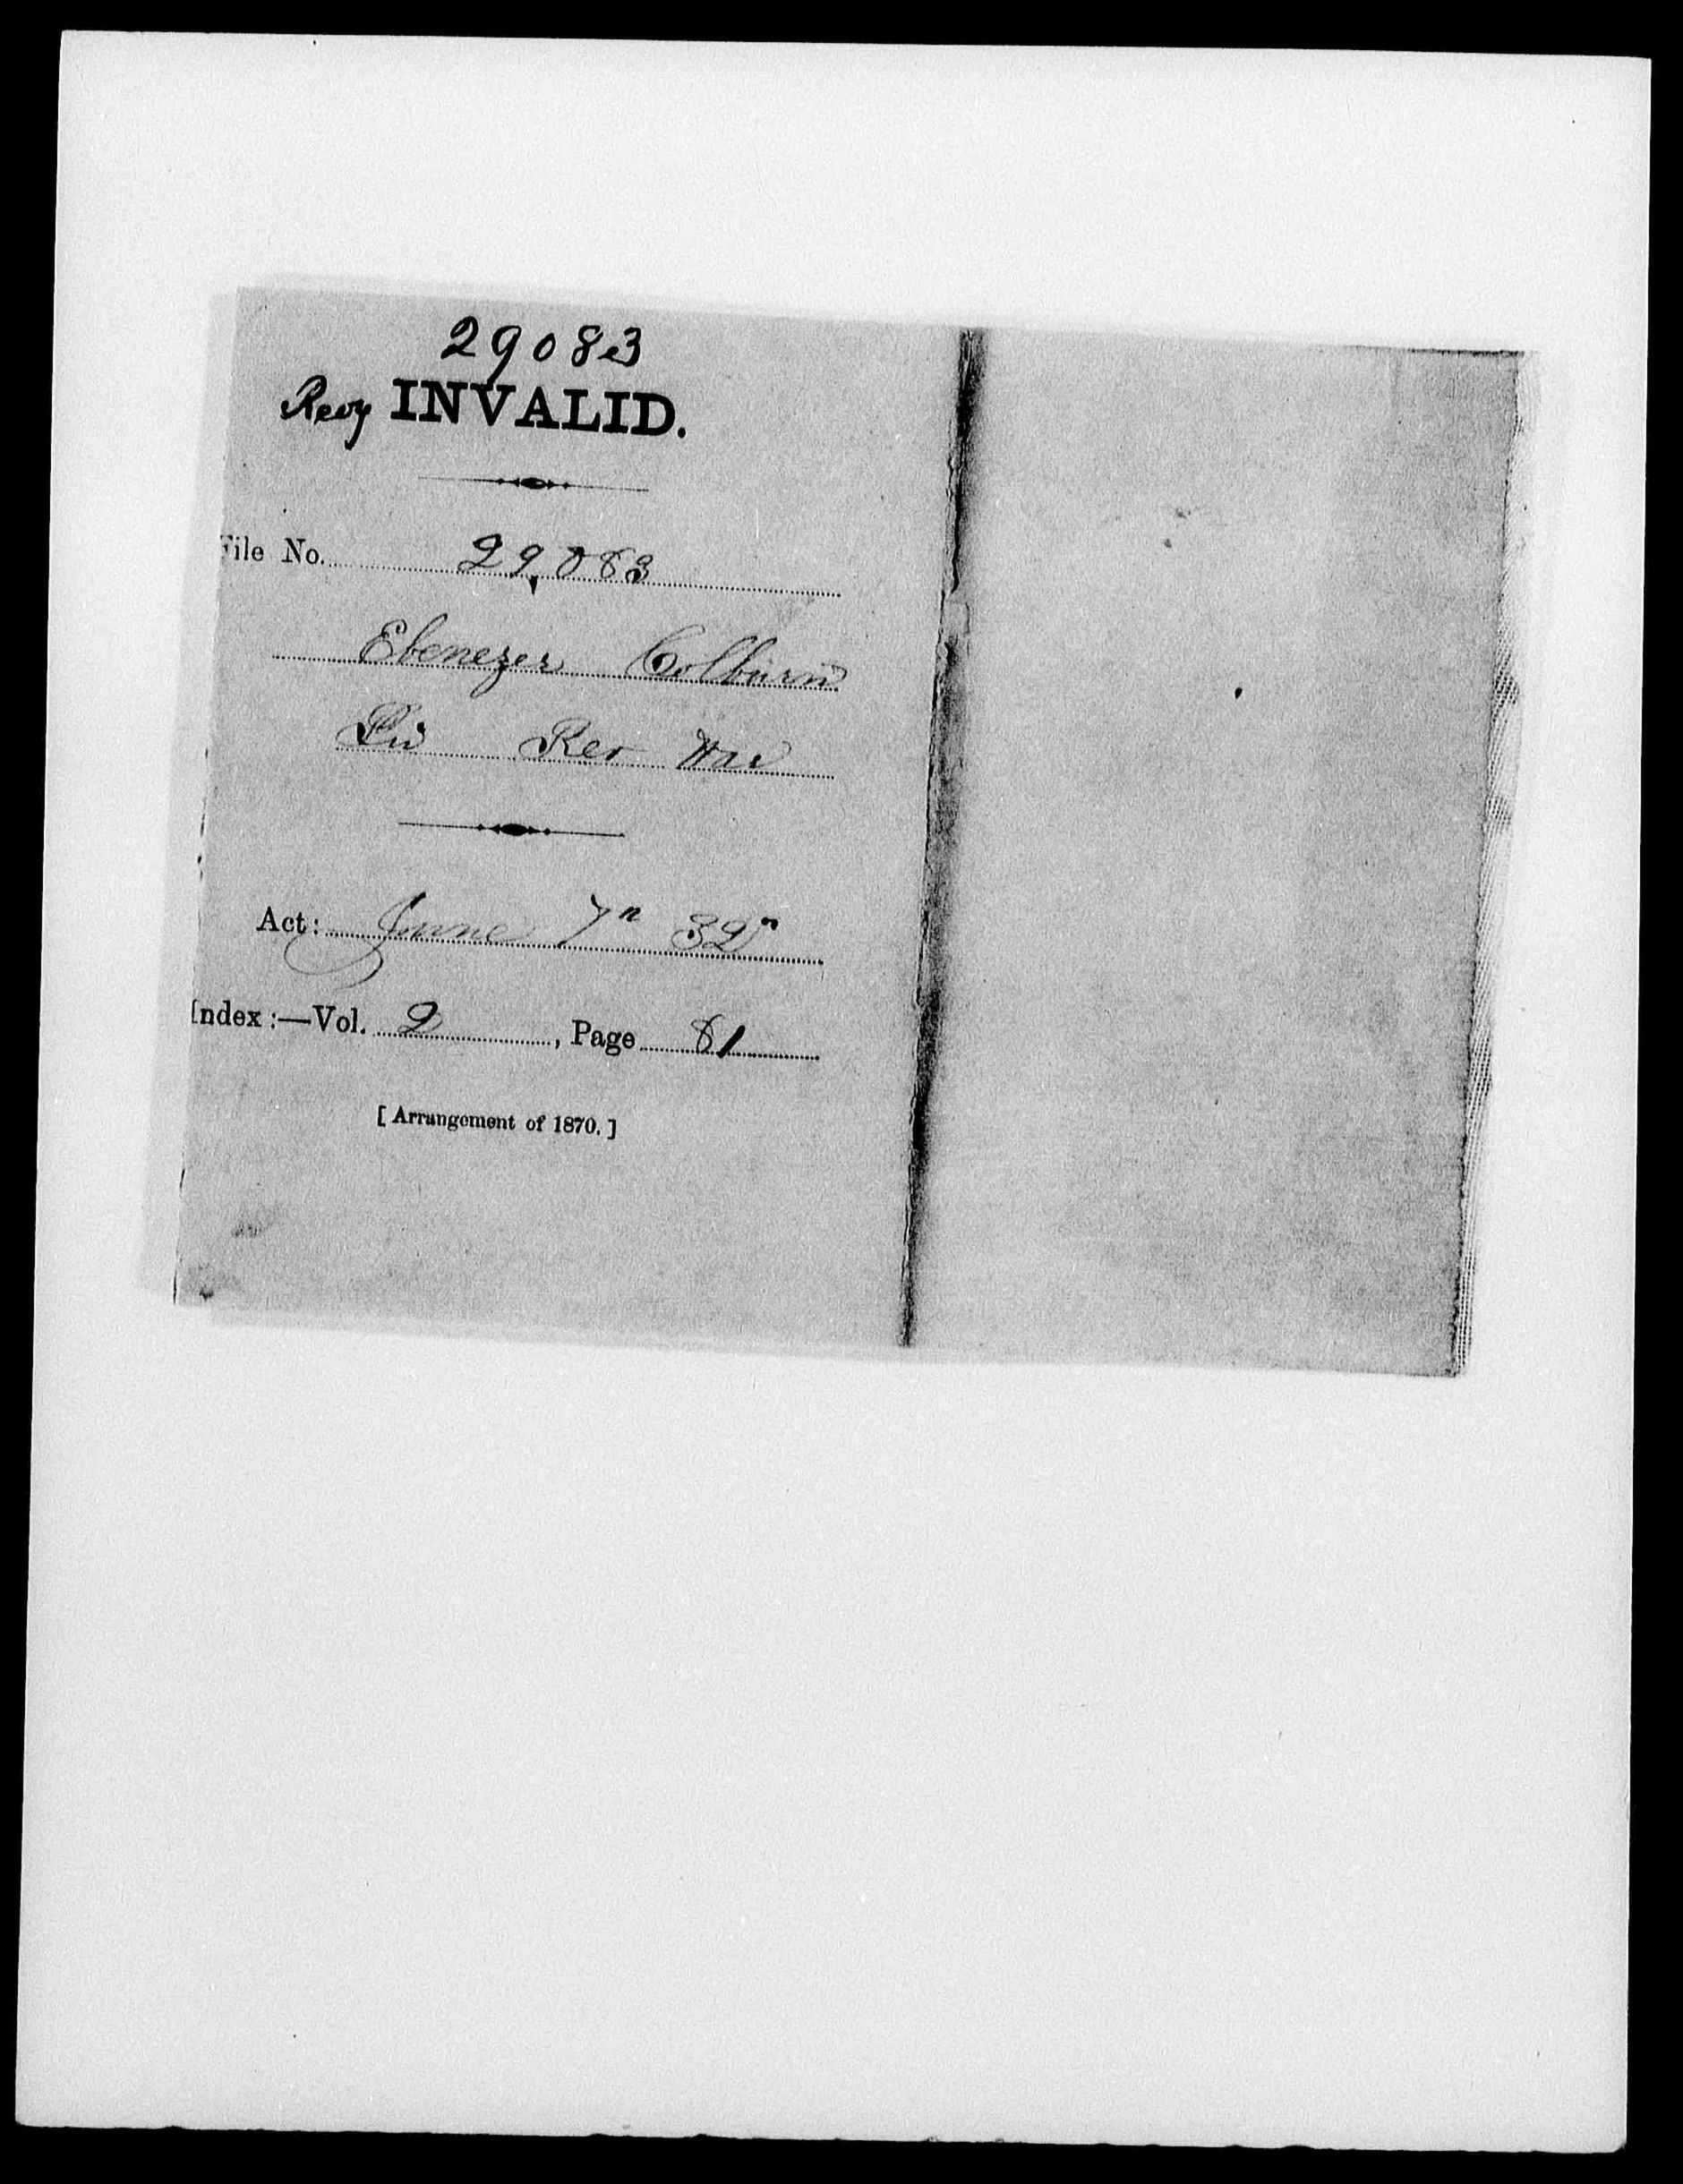29083
Revy INVALID.
File No. 29,083
Ebenezer Colburn
Priv Rev War
Act: June 7th 32"
Indes: - Vol 2 Page 81
[Arrangement of 1870.]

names: Ebenezer Colburn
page: 2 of 10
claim: survivor's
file: S. 29083, Ebenezer Colburn, Mass.